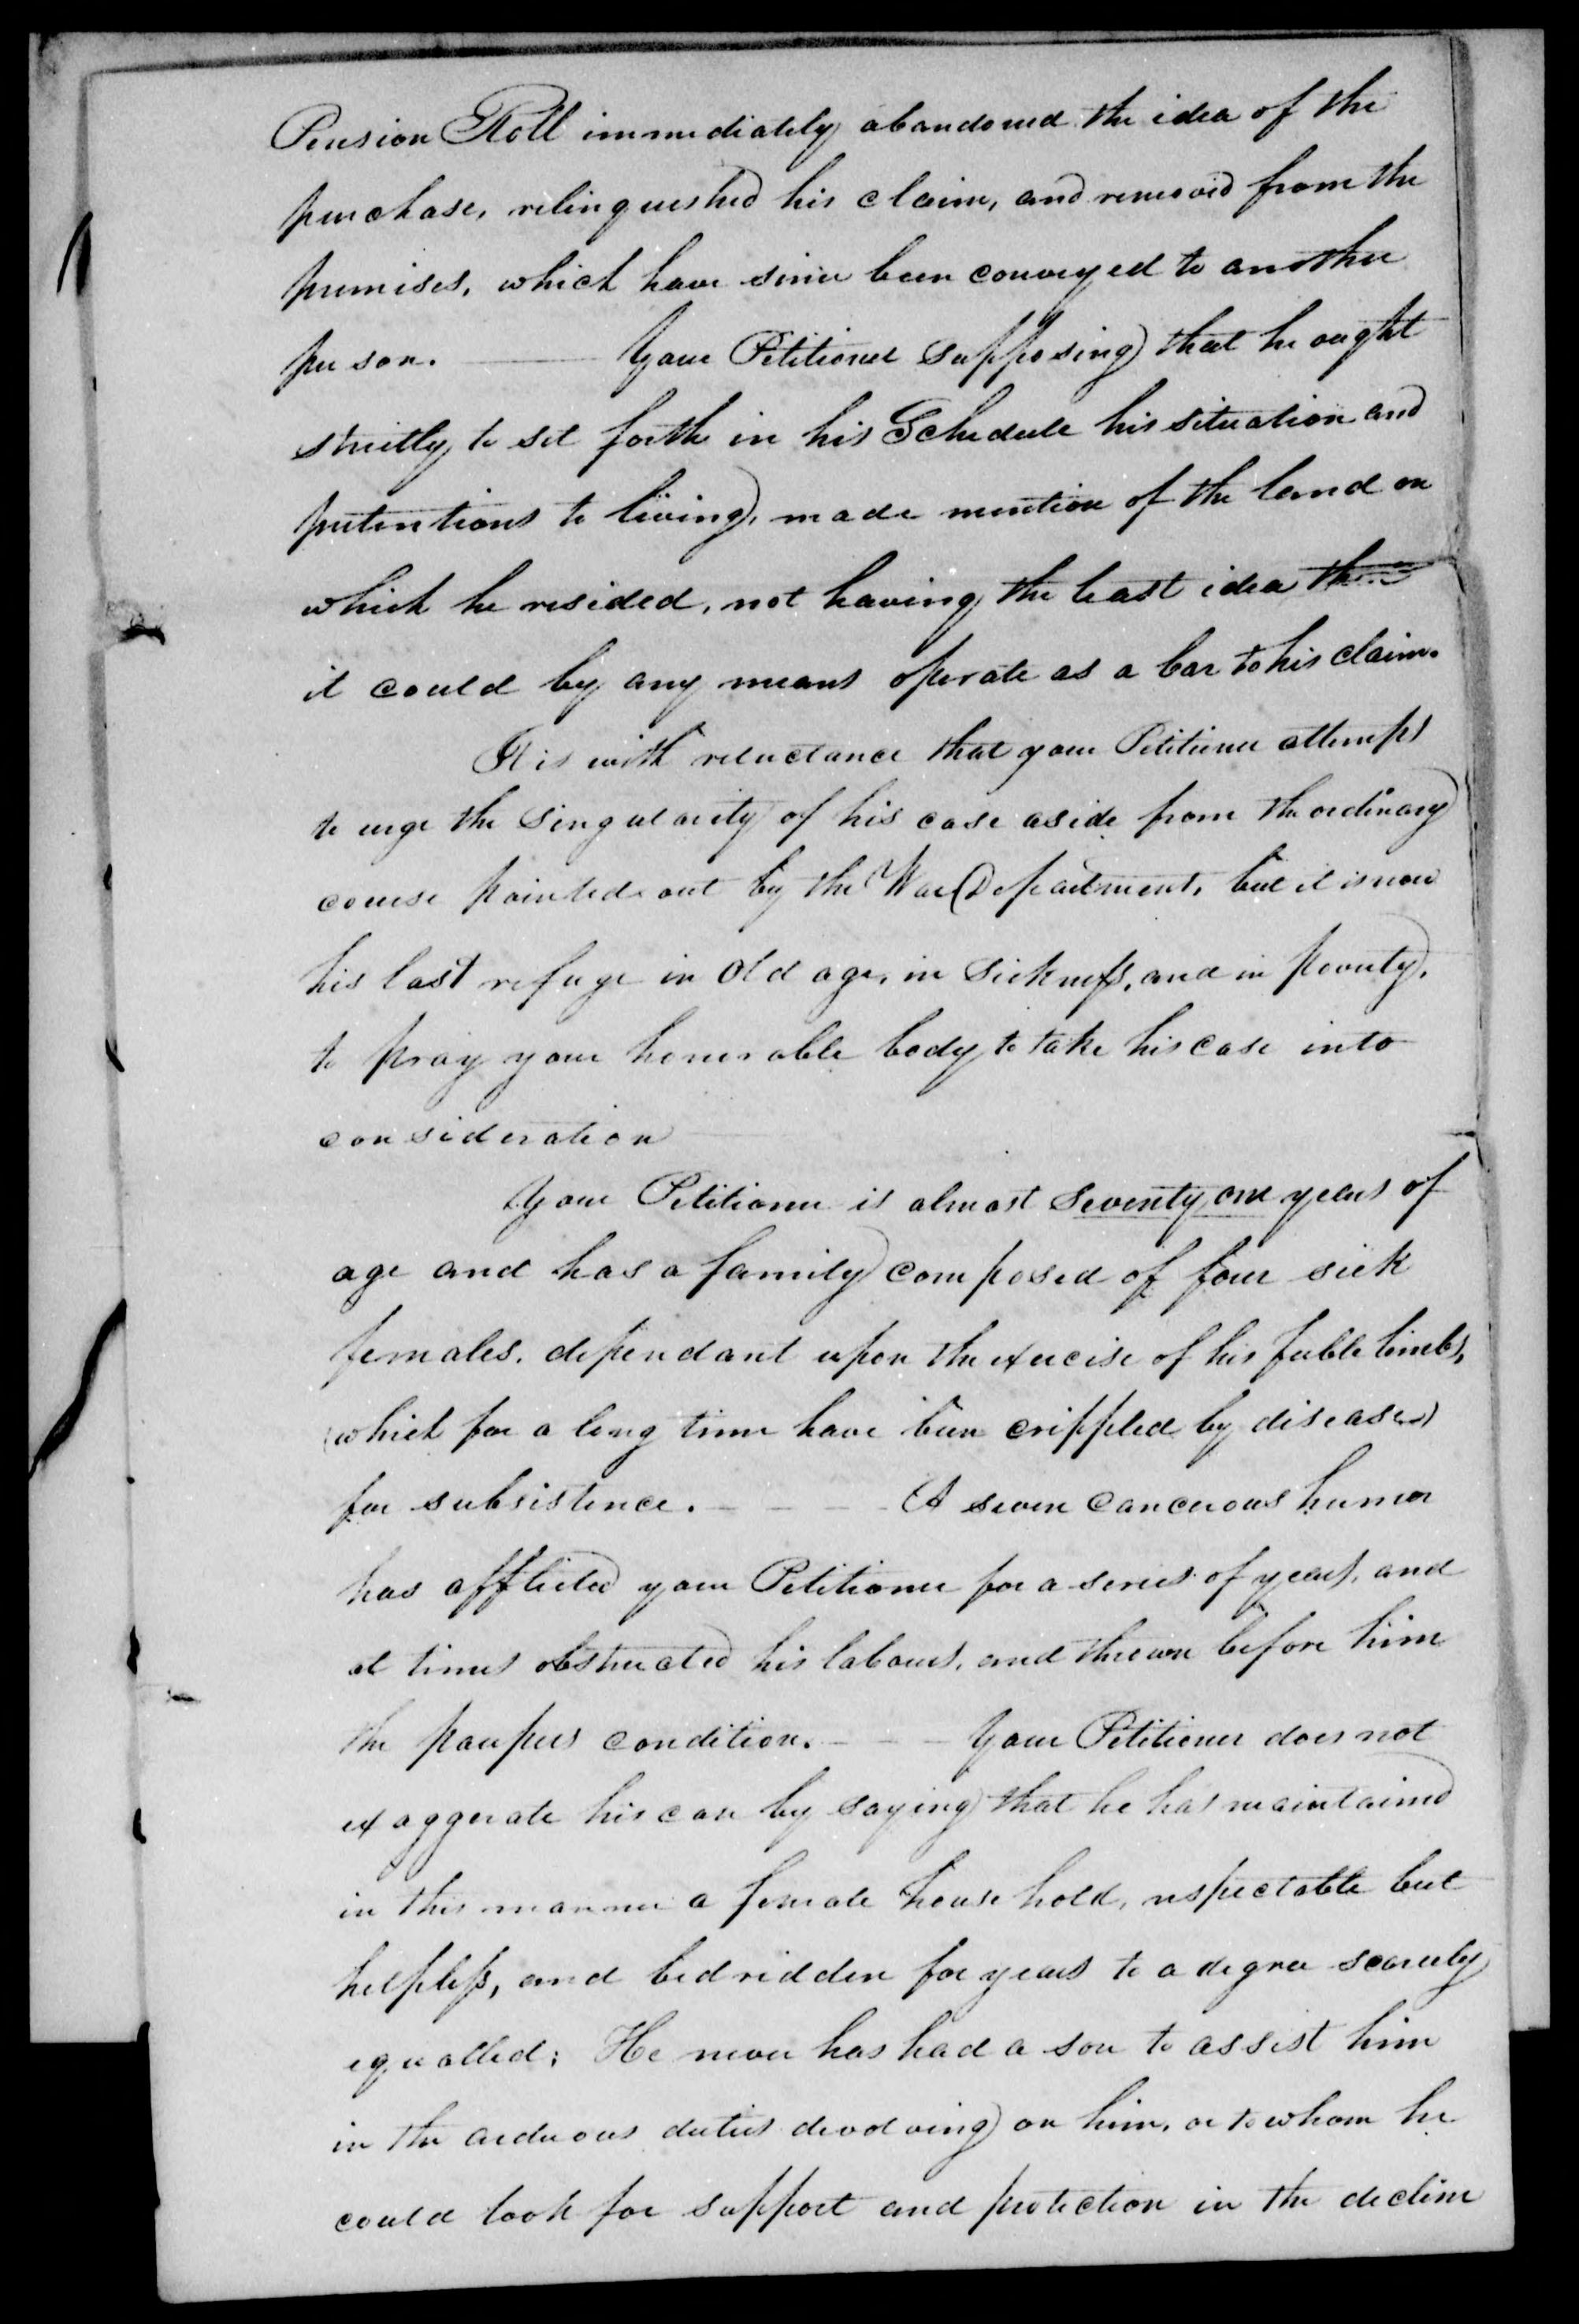Pension Roll immediately abandoned the idea of the purchase, relinquished his claim, and removed from the premises, which have since been conveyed to another person. -
Your Petitioner supposing that he ought strictly to set forth in his Schedule his situation and pretentions to living, made mention of the land on which he resided, not having the least idea the it could by any means of operate as a bar to his claim.
It is with reluctance that your Petitioner attempt to urge the singularity of his case aside from the ordinary course pointed out by the War Department, but it is now
his last refuge in old age, in sickness, and in poverty, to pray your honorable body to take his case into consideration.
Your Petitioner is almost seventy one years of
age and has a family composed of four sick
females, dependent upon the exercise of his feeble limbs, which for a long time have been crippled by diseases, for subsistence.---- A severe cancerous humor has afflicted your Petitioner for a series of years, and
at times obstructed his labours, and thrown before him the paupers condition.-- Your Petitioner does not exaggerate his case by saying that he has maintained
in this manner a female house hold, respectable but helpless and bedridden for years to a degree scarcely equalled; He never has had a son to assist him in the arduous duties devolving on him, or to whom he could look for support and protection in the decline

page: 77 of 87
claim: widow's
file: W. 25,966, Moses Weld, Mass.